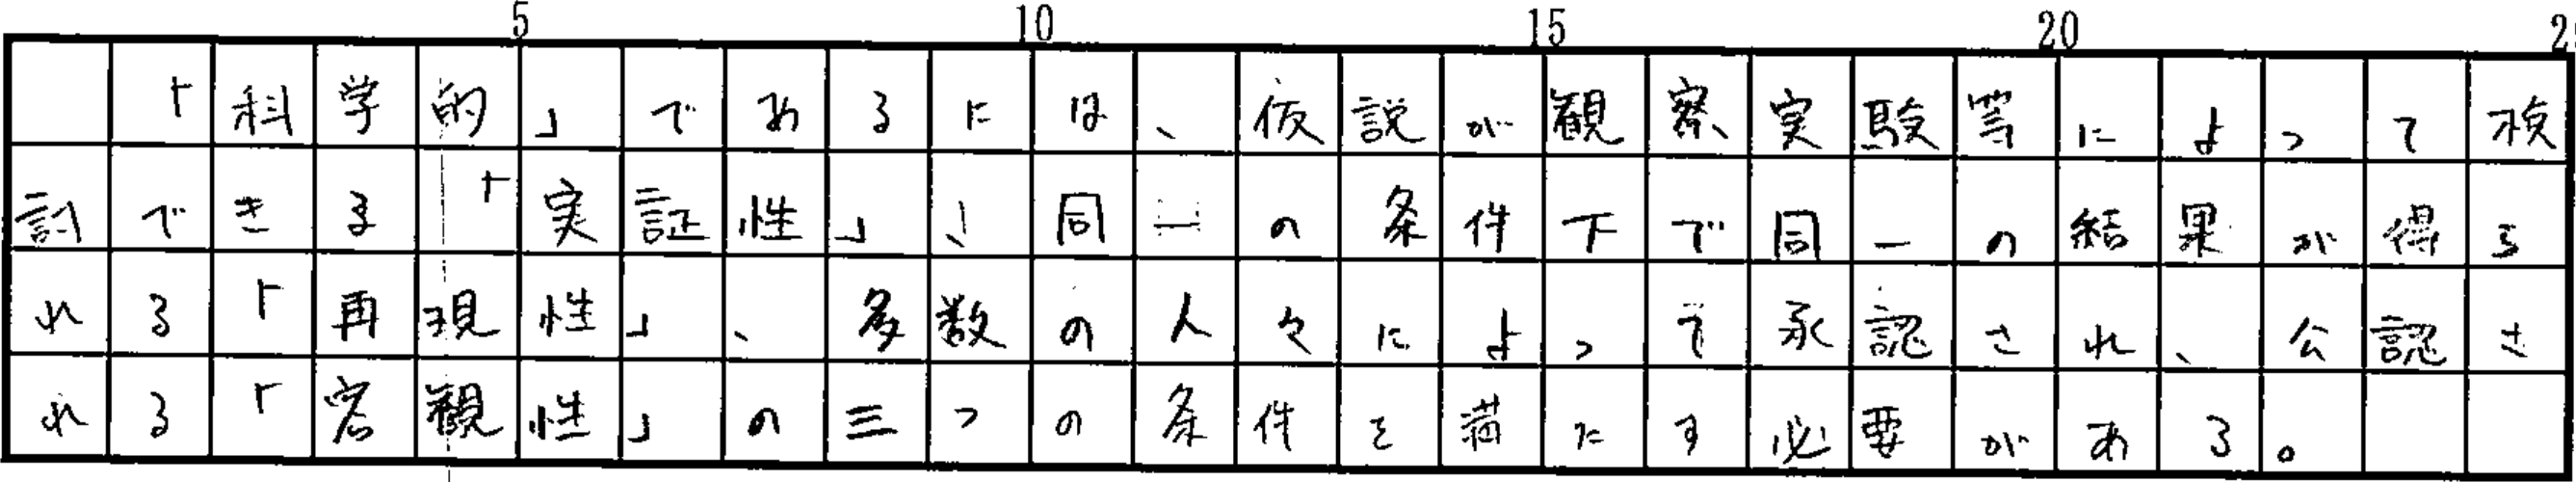　「科学的」であるには、仮説が観察実験等によって検討できる「実証性」、同一の条件下で同一の結果が得られる「再現性」、多数の人々によって承認され、公認される「客観性」の三つの条件を満たす必要がある。
